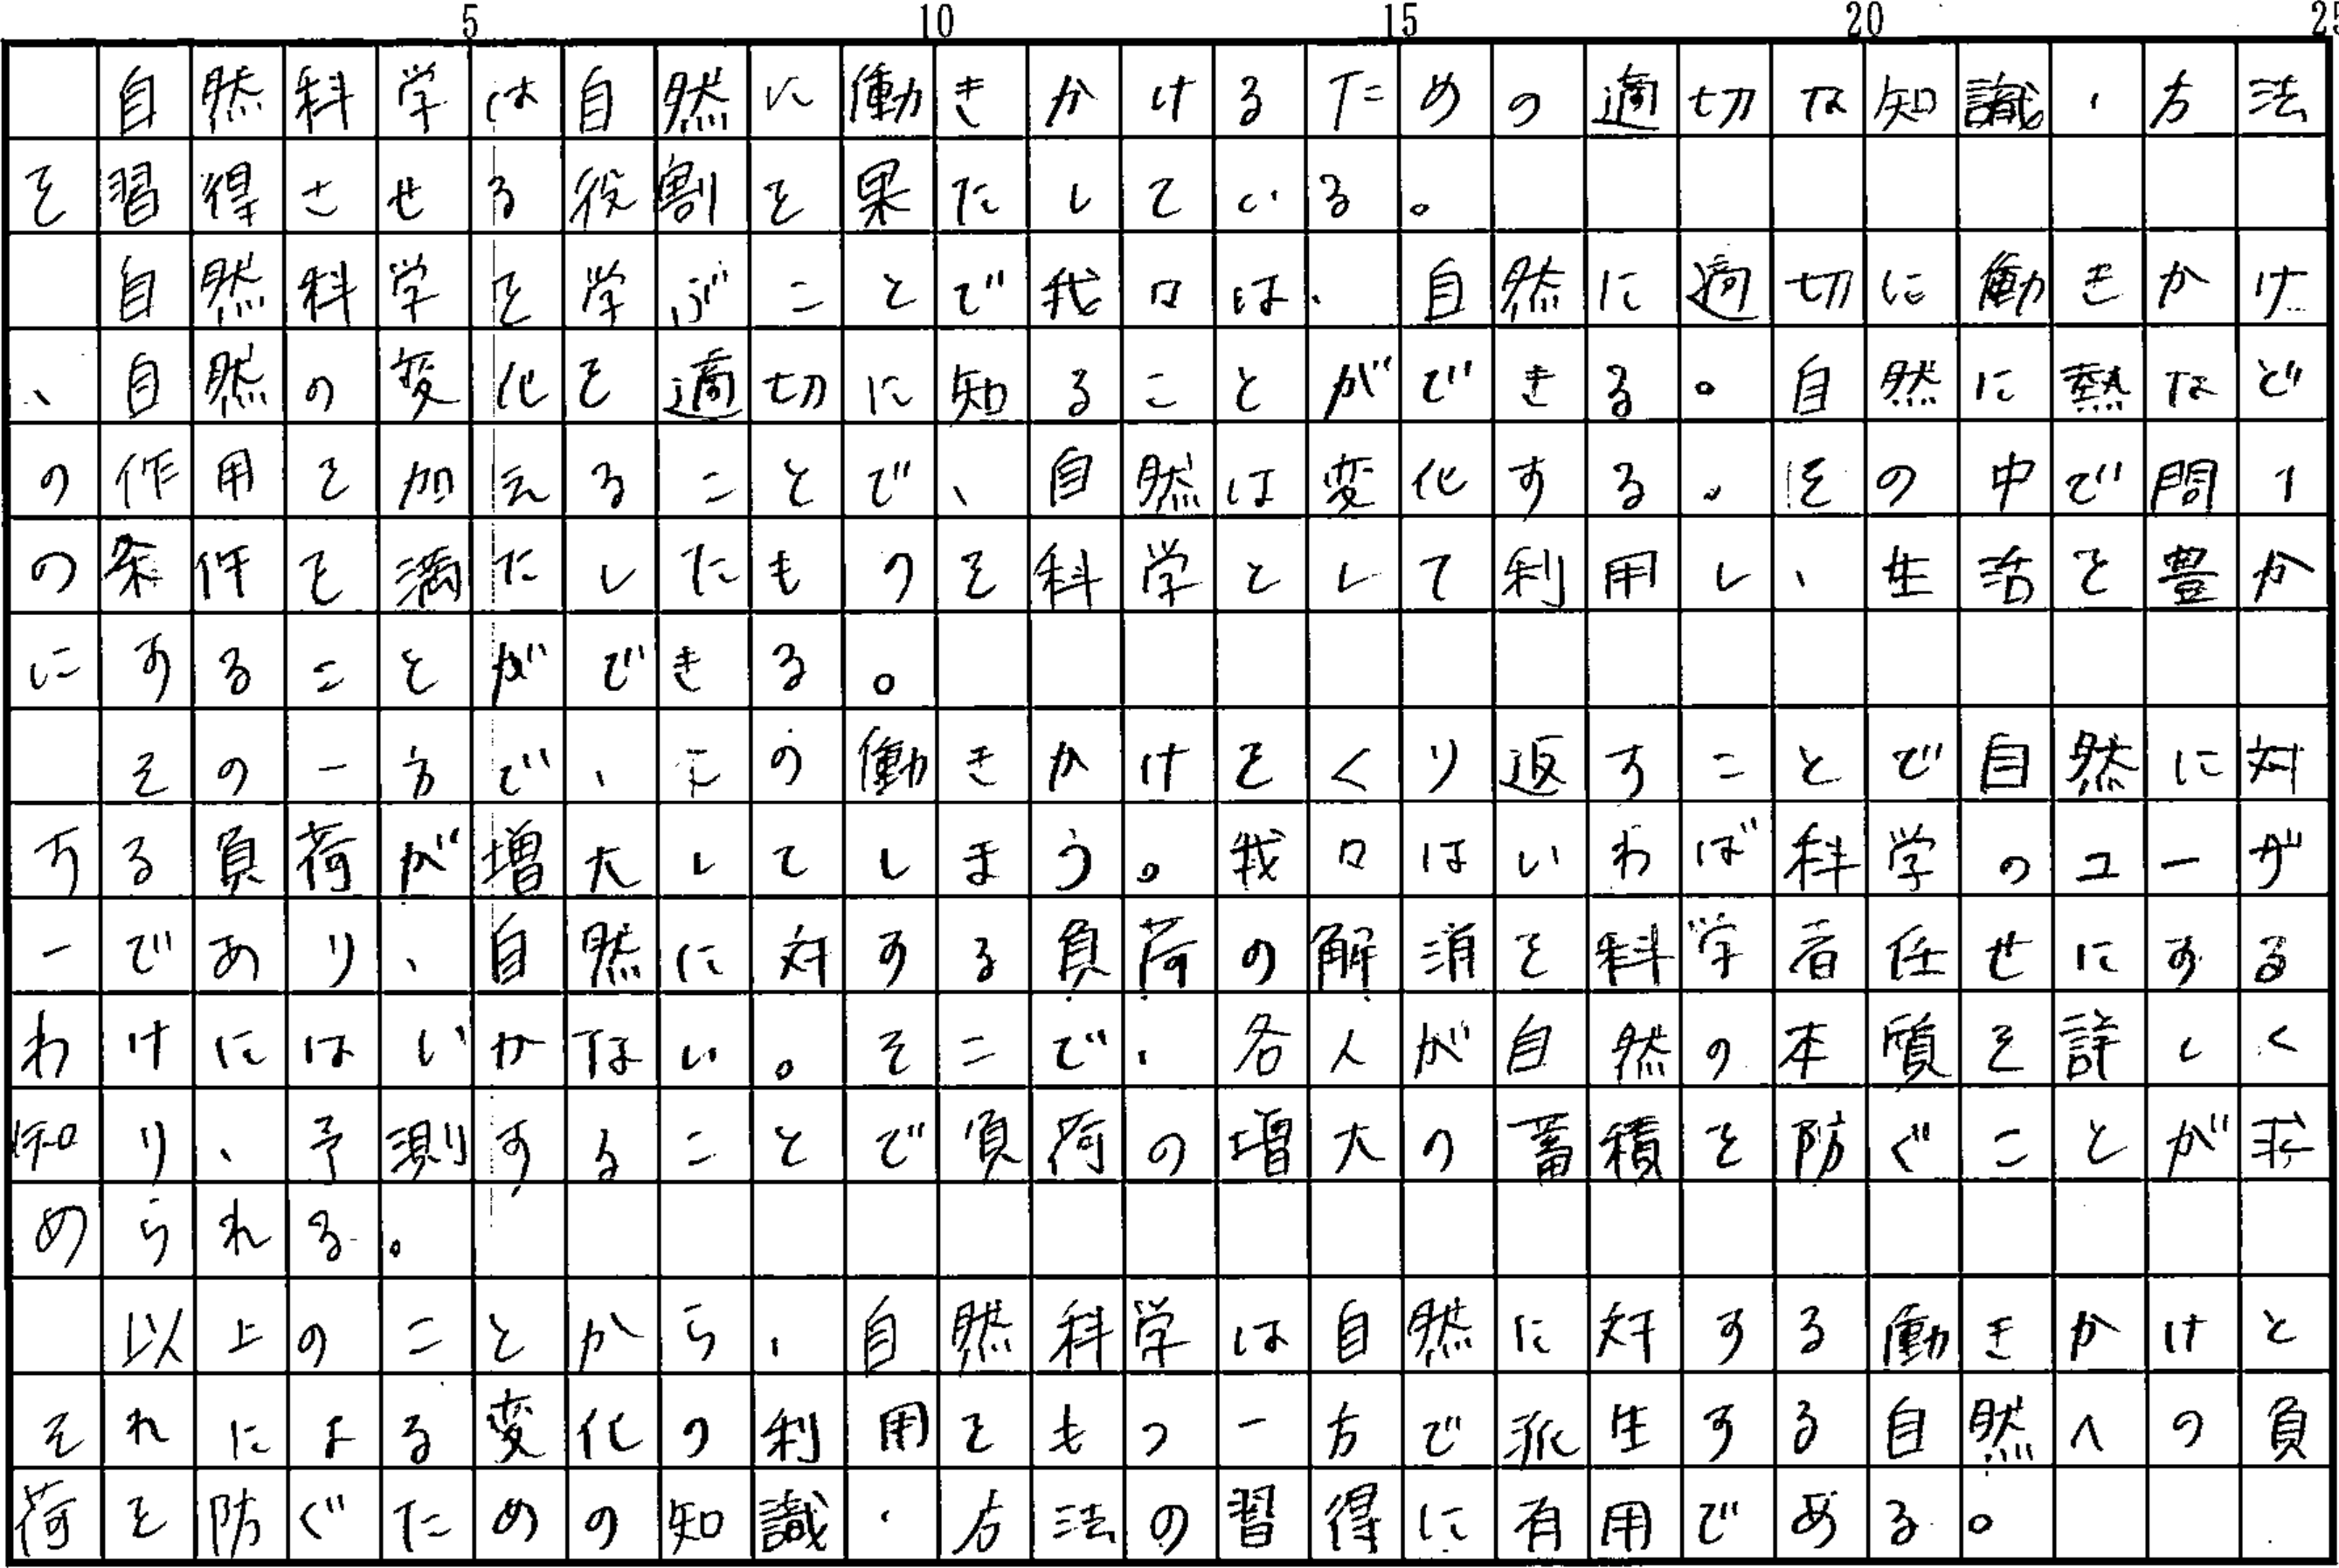　自然科学は自然に働きかけるための適切な知識・方法を習得させる役割を果たしている。
　自然科学を学ぶことで我々は、自然に適切に働きかけ、自然の変化を適切に知ることができる。自然に熱などの作用を加えることで、自然は変化する。その中で問１の条▁を満たしたものを科学として利用し、生活を豊かにすることができる。
　その一方で、この働きかけをくり返すことで自然に対する負荷が増大してしまう。我々はいわば科学のユーザーであり、自然に対する負荷の解消を科学者任せにするわけにはいかない。そこで、各人が自然の本質を詳しく知り、予測することで負荷の増大の蓄積を防ぐことが求められる。
　以上のことから、自然科学は自然に対する働きかけとそれによる変化の利用をもつ一方で派生する自然への負荷を防ぐための知識・方法の習得に有用である。
